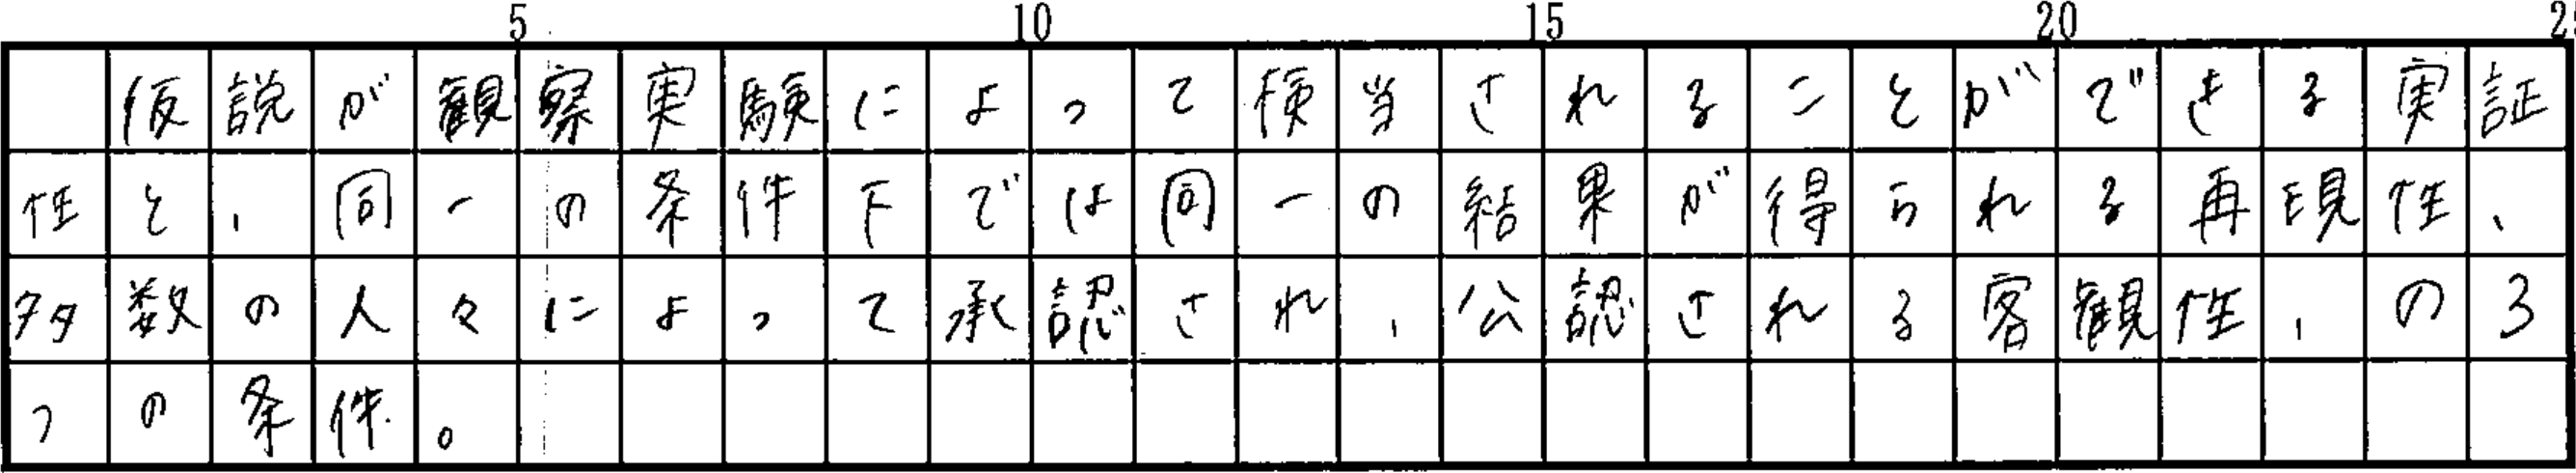　仮説が観察実験によって検当されることができる実証性と、同一の条件下では同一の結果が得られる再現性、多数の人々によって承認され、公認される客観性、の３つの条件。
